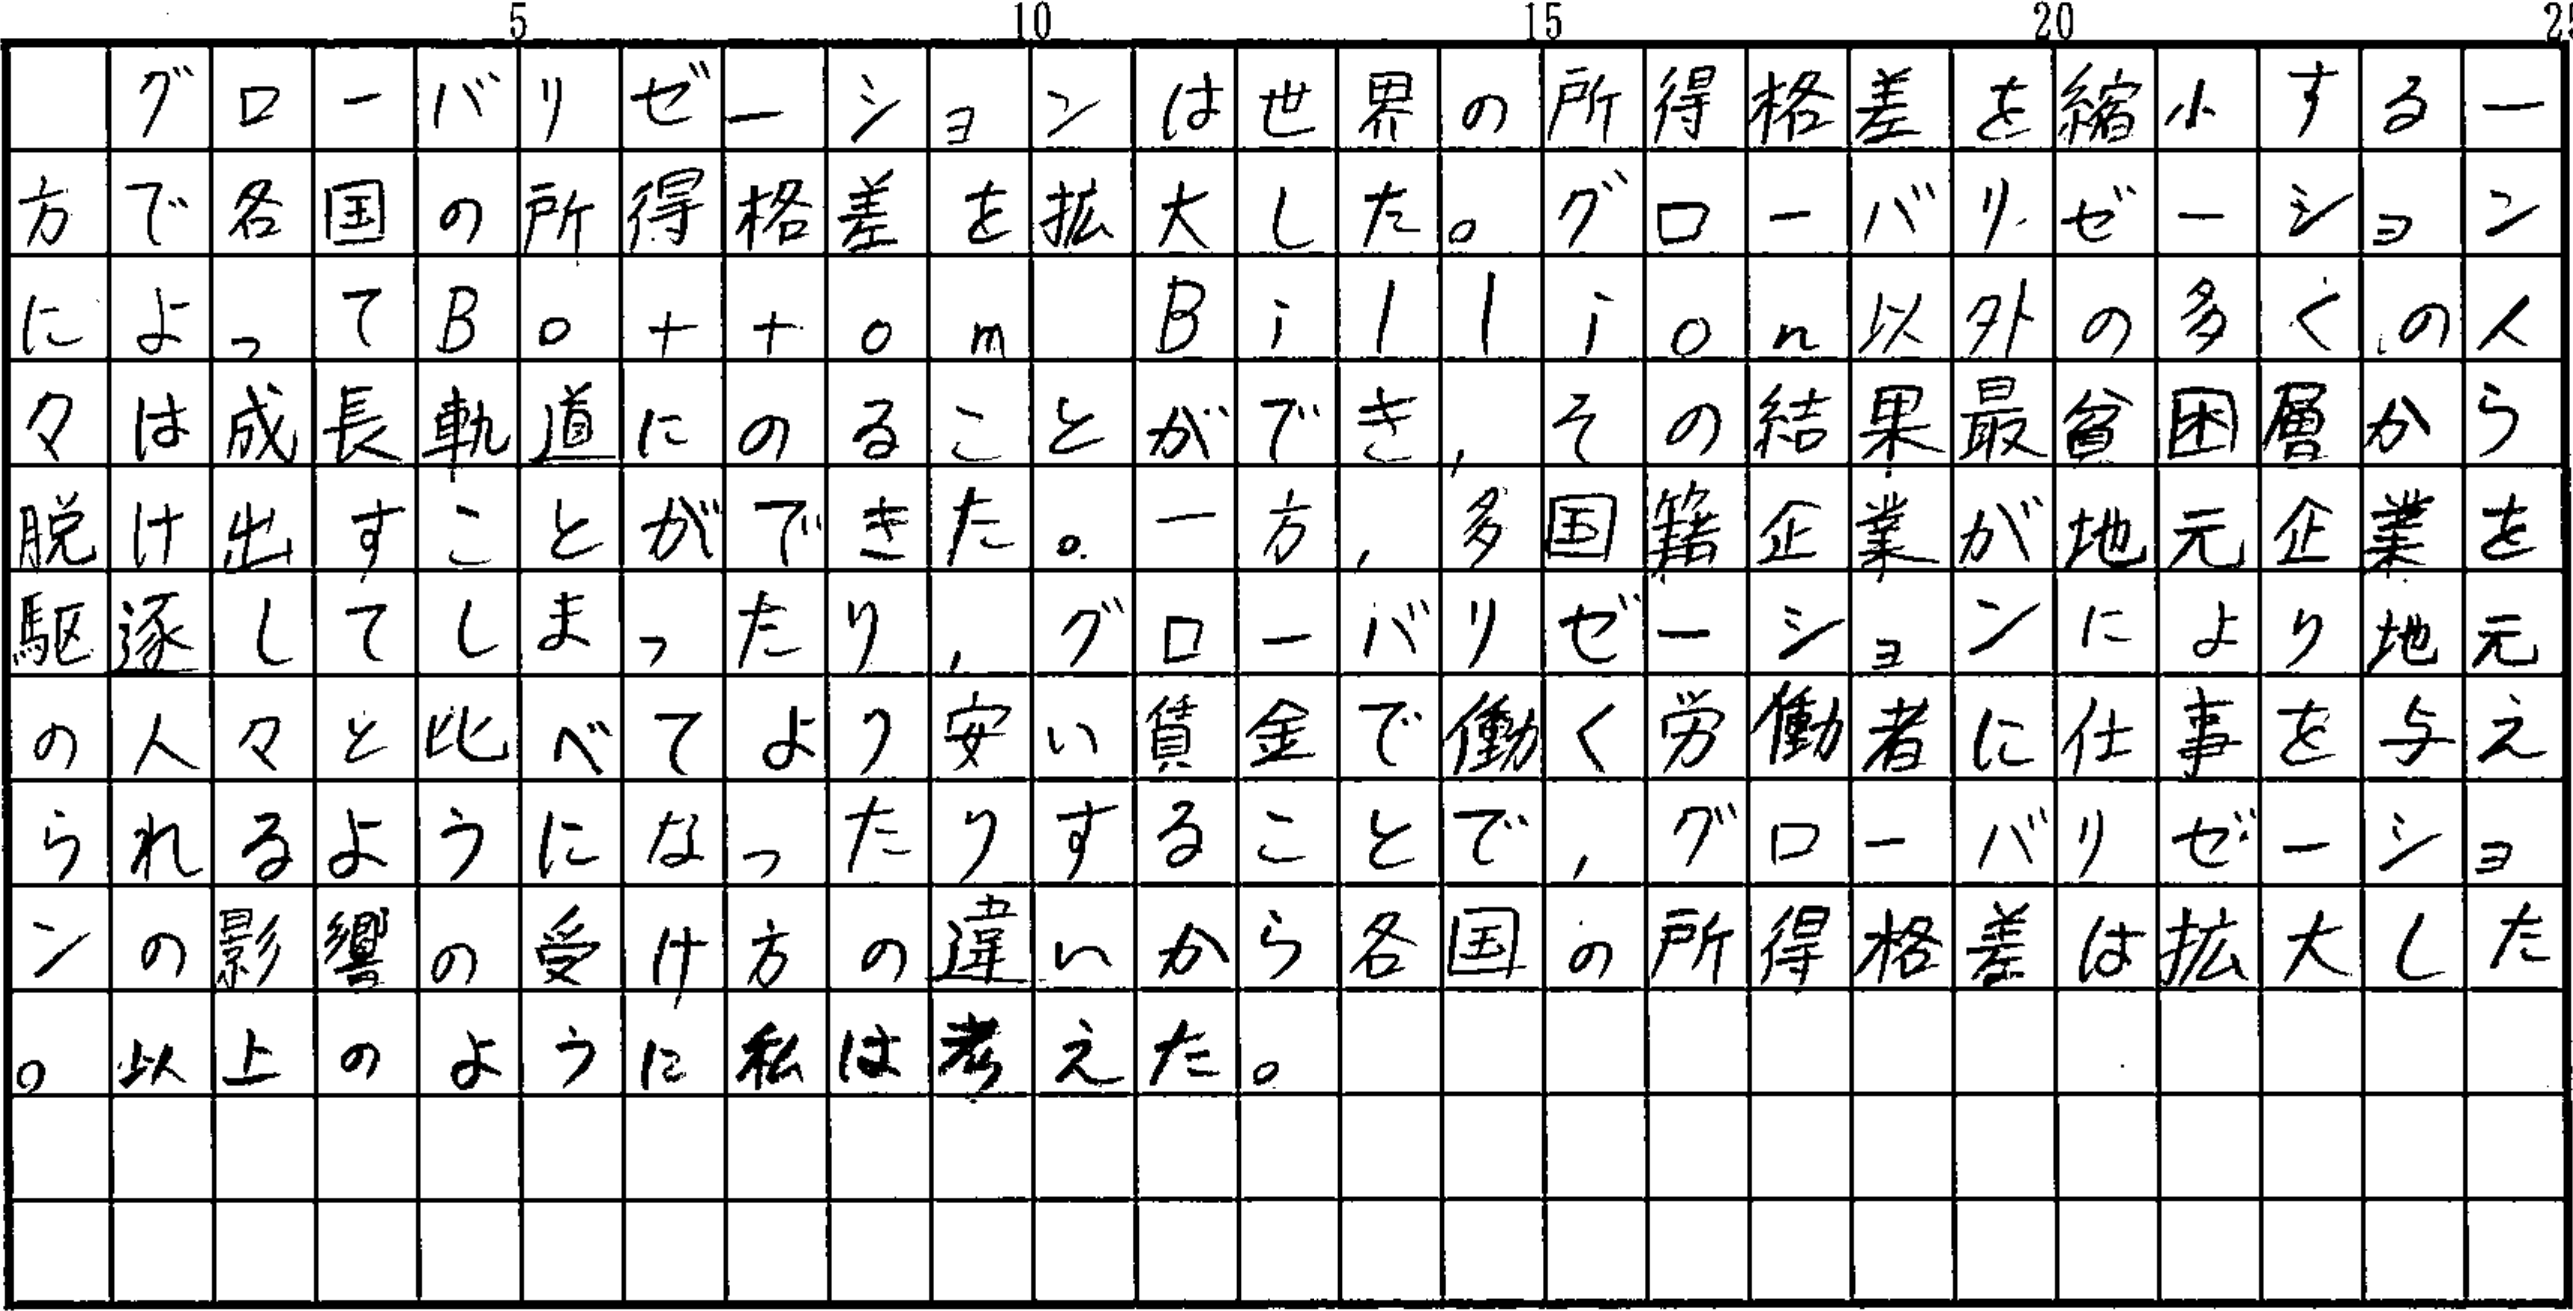　グローバリゼーションは世界の所得格差を縮小する一方で各国の所得格差を拡大した。グローバリゼーションによってＢｏｔｔｏｍ　Ｂｉｌｌｉｏｎ以外の多くの人々は成長軌道にのることができ、その結果最貧困層から脱け出すことができた。一方、多国籍企業が地元企業を駆逐してしまったり、グローバリゼーションにより地元の人々と比べてより安い賃金で働く労働者に仕事を与えられるようになったりすることで、グローバリゼーションの影響の受け方の違いから各国の所得格差は拡大した。以上のように私は考えた。
